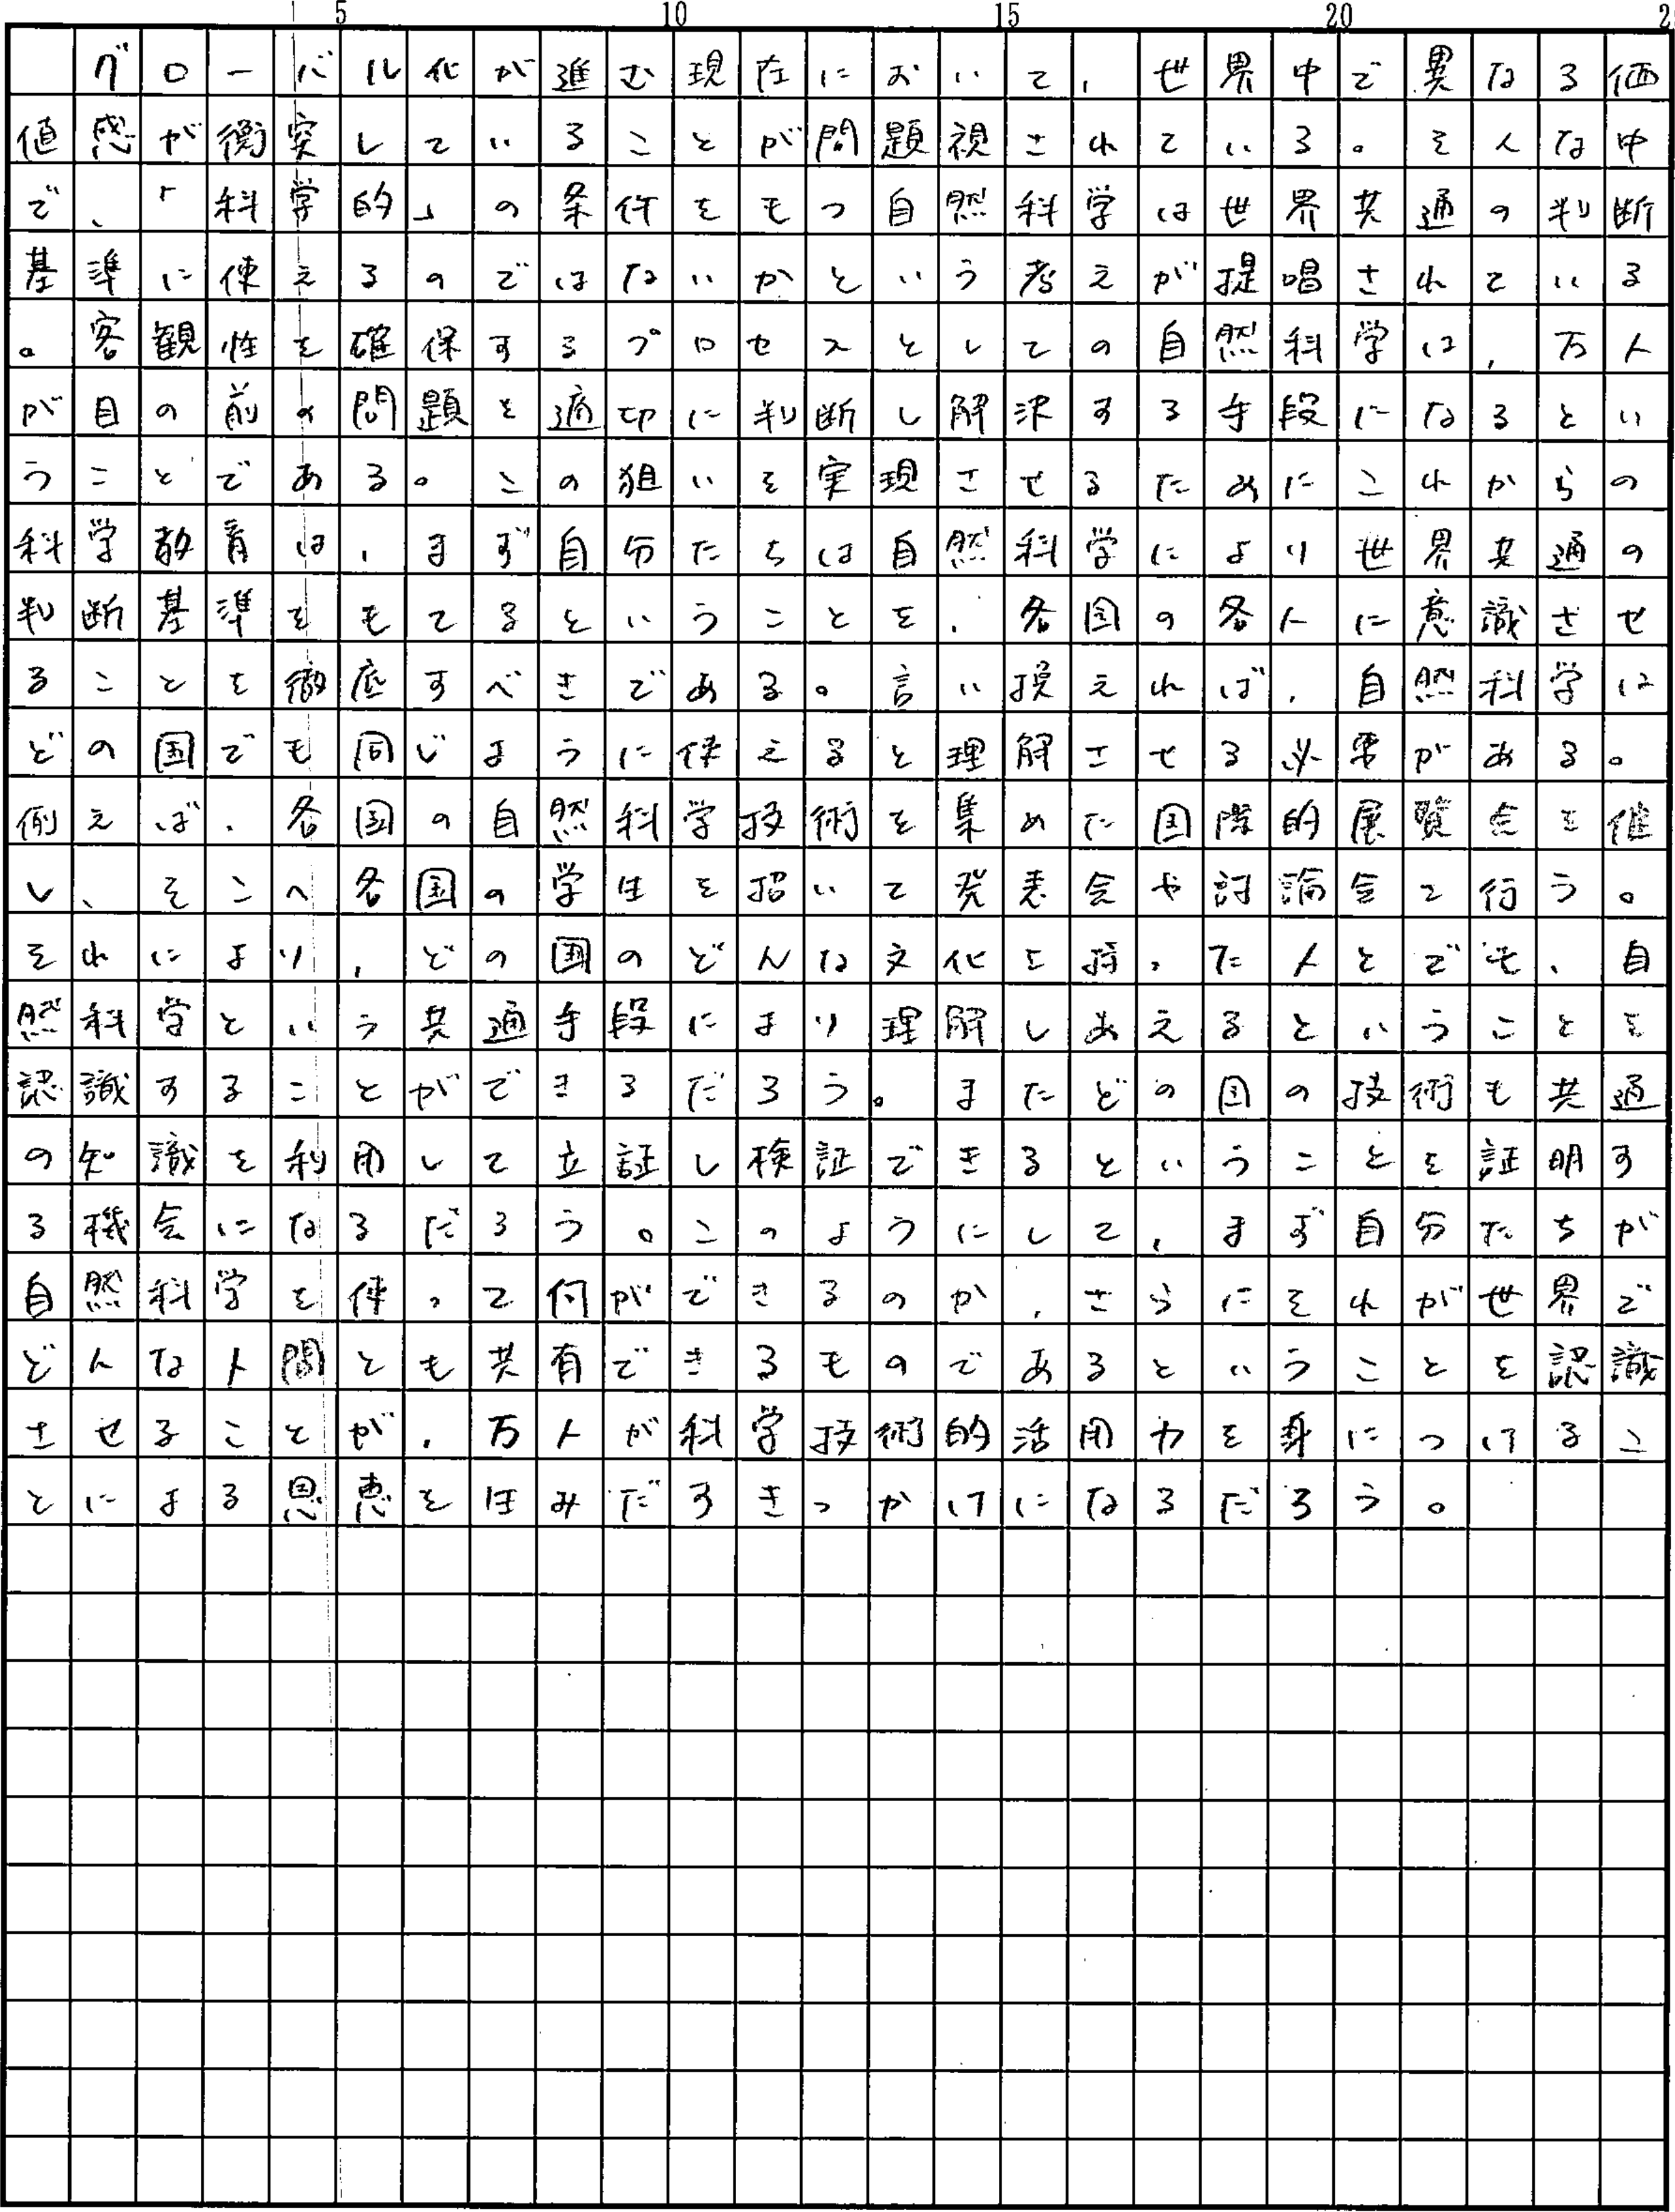　グローバル化が進む現在において、世界中で異なる価値感が衡突していることが問題視されている。そんな中で、「科学的」の条件をもつ自然科学は世界共通の判断基準に使えるのではないかという考えが提唱されている。客観性を確保するプロセスとしての自然科学は、万人が目の前の問題を適切に判断し解決する手段になるということである。この狙いを実現させるためにこれからの科学教育は、まず自分たちは自然科学により世界共通の判断基準をもてるということを、各国の各人に意識させることを徹底すべきである。言い換えれば、自然科学はどの国でも同じように使えると理解させる必要がある。例えば、各国の自然科学技術を集めた国際的展覧会を催し、そこへ各国の学生を招いて発表会や討論会を行う。それにより、どの国のどんな文化を持った人とでも、自然科学という共通手段により理解しあえるということを認識することができるだろう。またどの国の技術も共通の知識を利用して立証し検証できるということを証明する機会になるだろう。このようにして、まず自分たちが自然科学を使って何ができるのか、さらにそれが世界でどんな人間とも共有できるものであるということを認識させることが、万人が科学技術的活用力を身につけることによる恩恵を生みだすきっかけになるだろう。
